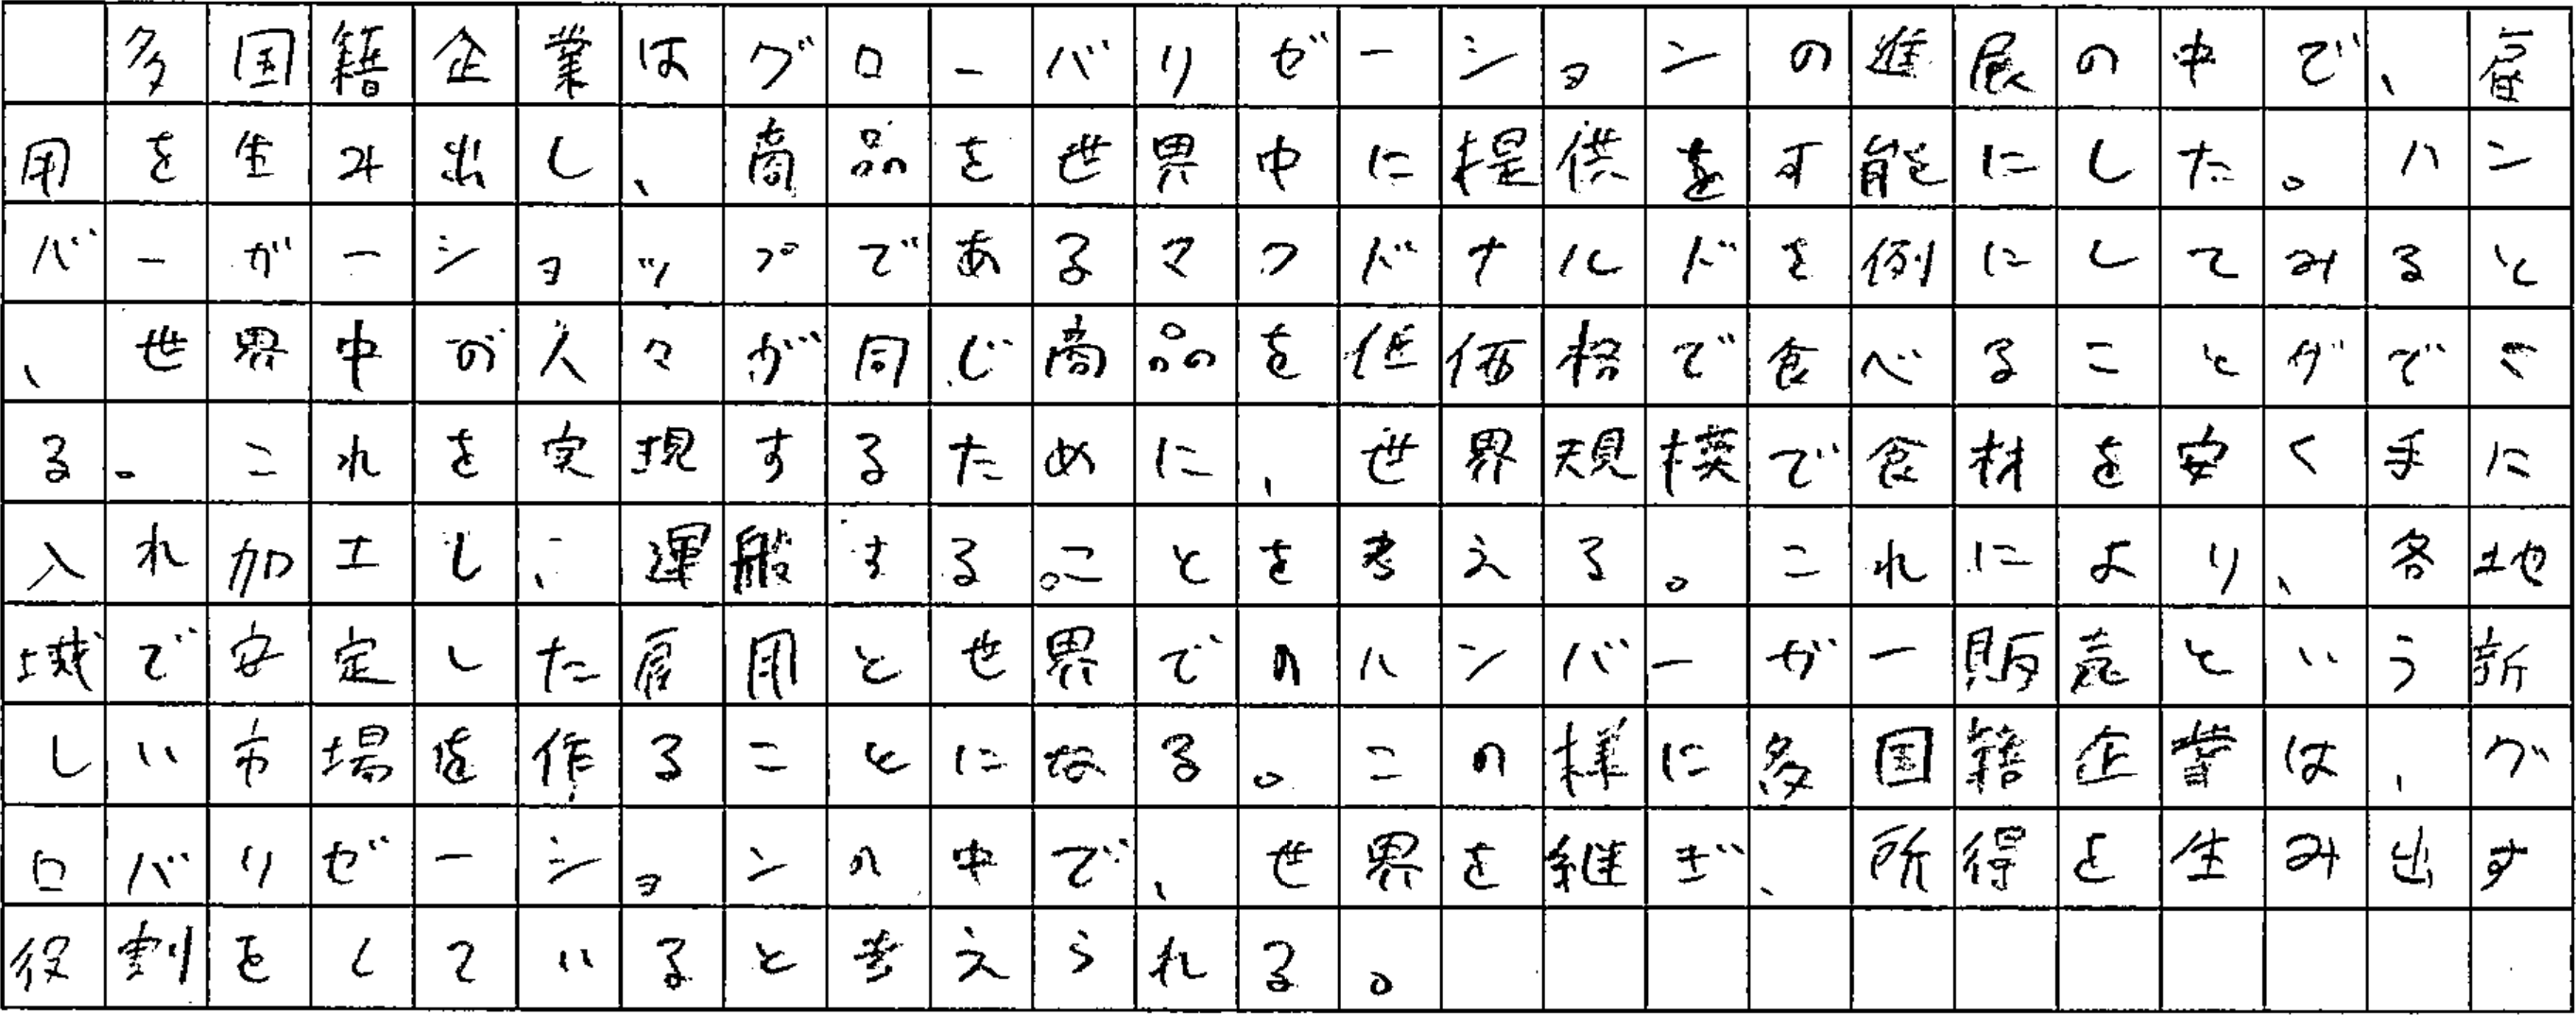　多国籍企業はグローバリゼーションの進展の中で、雇用を生み出し、商品を世界中に提供を可能にした。ハンバーガーショップであるマクドナルドを例にしてみると、世界中の人々が同じ商品を低価格で食べることができる。これを実現するために、世界規模で食材を安く手に入れ加工し、運般することを考える。これにより、各地域で安定した雇用と世界でのハンバーガー販売という新しい市場を作ることになる。この様に多国籍企業は、グローバリゼーションの中で、世界を継ぎ、所得を生み出す役割をしていると考えられる。
